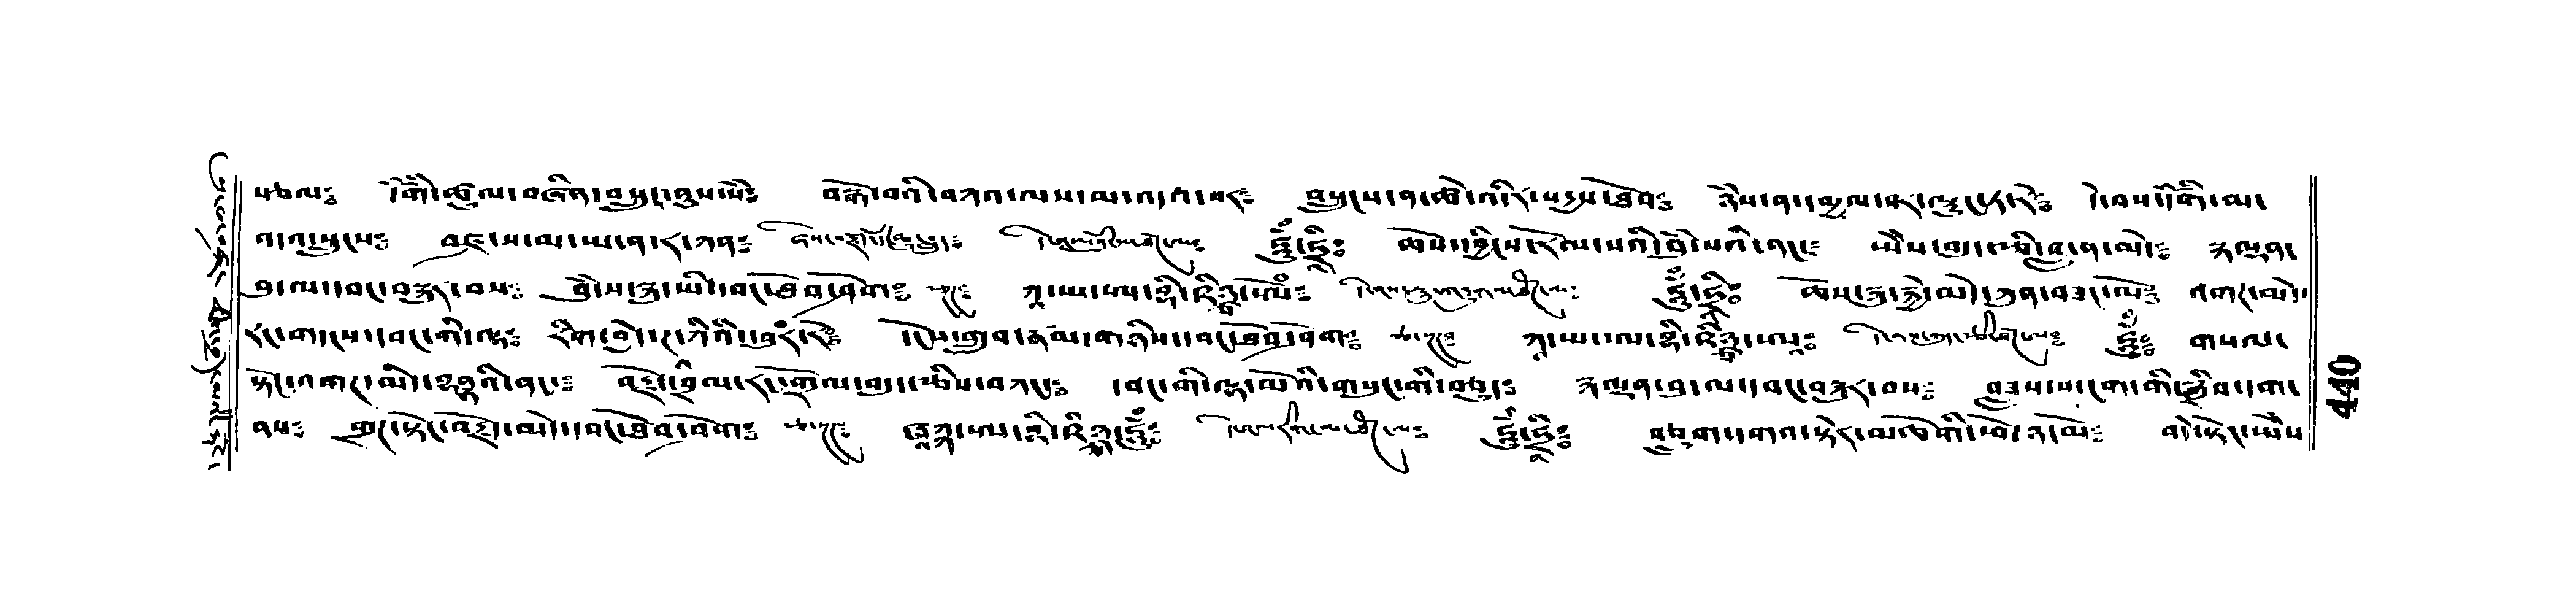བསྩལ༔ དམ་ཚིག་ཚུལ་བཞིན་བསྲུང་ནུས་སམ༔ བསྒོ་བའི་བཀའ་ལས་མ་འདའ་བར༔ བསྲུངས་ན་ཚེ་འདིར་སངས་རྒྱས་ཐོབ༔ ཉམས་ན་དམྱལ་བར་ལྟུང་ཏ་རེ༔ དེ་བས་དམ་ཚིག་མ་
འདའ་སྲུངས༔ བཛྲ་ས་མ་ཡ་ན་ར་ཀན༔ ཞེས་བརྗོད་དམ་ཆུ་བླུད༔ དེ་ནས་བུམ་པ་ཐོགས་ལ༔ ཧཱུྃ་ཧྲཱིཿ ཆོས་དབྱིངས་རོལ་པའི་བུམ་པའི་ནང༔ ཡེ་ཤེས་བདུད་རྩི་བླ་ན་མེད༔ སྐལ་ལྡན་
བུ་ལ་དབང་བསྐུར་བས༔ བུམ་པ་སྐུ་ཡི་དབང་ཐོབ་ཤོག༔ རྩ་སྔགས༔ ཀཱ་ཡ་ཨ་བྷི་རིཉྩ་ཨོཾ༔ དེ་ནས་སྐུ་གཟུགས་ཐོགས་ལ༔ ཧཱུྃ་ཧྲཱིཿ ཆོས་སྐུ་སྐྱེ་མེད་ཀུན་བཟང་མོ༔ འགགས་མེད་
རང་གདངས་དབང་གིས་ལྷ༔རིག་བྱེད་ཌཱ་ཀིའི་དབང་བསྐུར་རོ༔ དངོས་གྲུབ་རྣམ་གཉིས་དབང་ཐོབ་ཤོག༔ རྩ་སྔགས༔ ཀཱ་ཡ་ཨ་བྷི་རིཉྩ་ཨཱཿ དེ་ནས་བདུད་རྩི་ཐོགས་ལ༔ ཧཱུྃ༔ གསལ་
སྟོང་འགགས་མེད་བྷནྡྷའི་ནང༔ བརྗོད་བྲལ་རང་གྲོལ་བདུད་རྩིས་བཀང༔ དབང་གིས་ལྷ་མོའི་གསུང་གི་བཅུད༔ སྐལ་ལྡན་བུ་ལ་དབང་བསྐུར་བས༔ བཟླས་པ་ངག་གི་སྒྲིབ་དག་
ནས༔ གྲགས་སྟོང་བརྗོད་མེད་དབང་ཐོབ་ཤོག༔ རྩ་སྔགས༔ ཝཱཀྐ་ཨ་བྷི་རིཉྩ་ཧཱུྃ༔ དེ་ནས་རིག་མ་ཐོགས་ལ༔ ཧཱུྃ་ཧྲཱི༔ བཅུ་དྲུག་དགའ་སྟེར་མཆོག་གི་ཕོ་ཉ་མོ༔ བདེ་སྟོང་ཡེ་ཤེས་